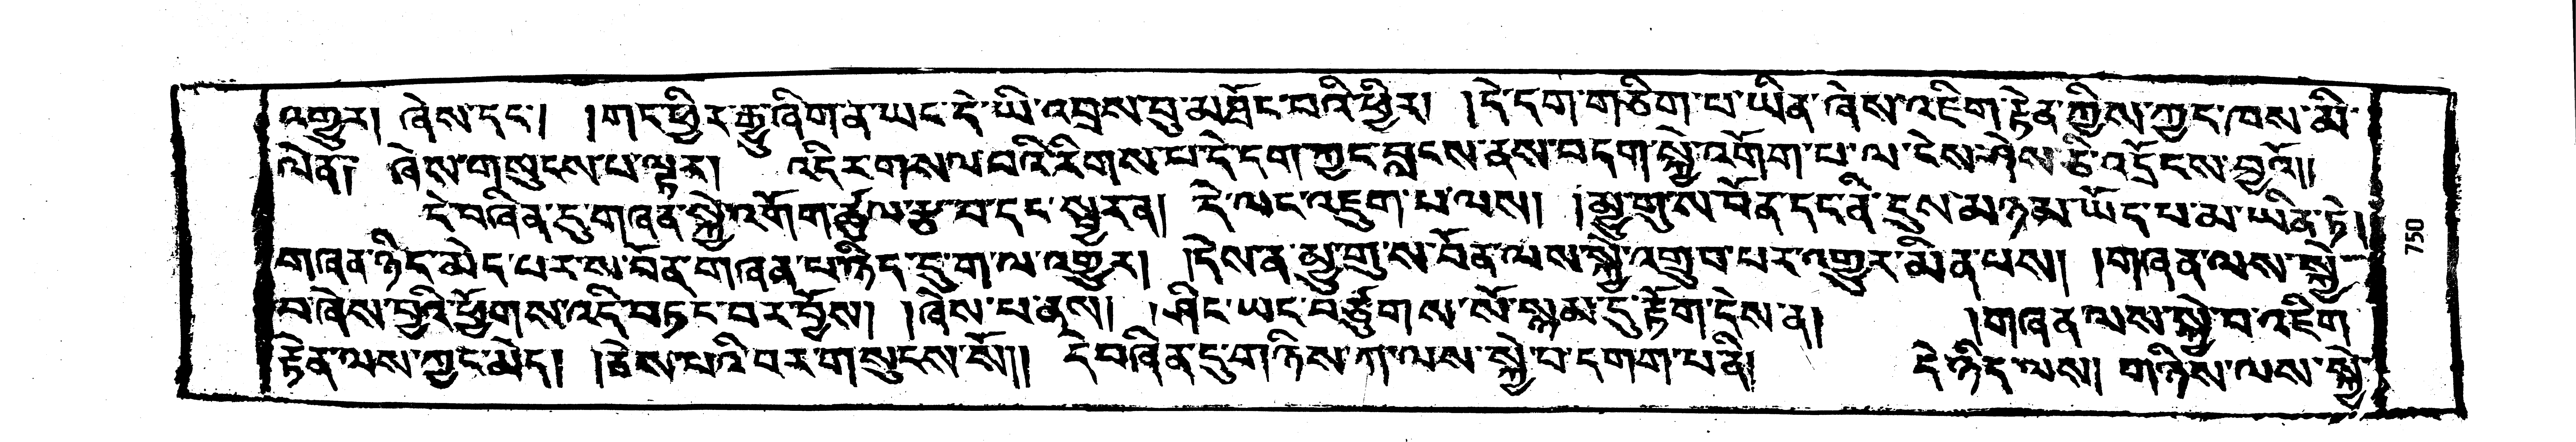འགྱུར། ཞེས་དང་། །གང་ཕྱིར་རྒྱུ་ཞིག་ན་ཡང་དེ་ཡི་འབྲས་བུ་མཐོང་བའི་ཕྱིར། །དེ་དག་གཅིག་པ་ཡིན་ཞེས་འཇིག་རྟེན་གྱིས་ཀྱང་ཁས་མི་
ལེན༑ ཞེས་གསུངས་པ་ལྟར། འདིར་གསལ་བའི་རིགས་པ་དེ་དག་ཀྱང་བླངས་ནས་བདག་སྐྱེ་འགོག་པ་ལ་ངེས་ཤེས་ཅི་འདྲོངས་བྱའོ། །
དེ་བཞིན་དུ་གཞན་སྐྱེ་འགོག་ཚུལ་རྩ་བ་དང་སྦྱར་ན། དེ་ལང་འཇུག་པ་ལས། །མྱུ་གུ་ས་བོན་དང་ནི་དུས་མཉམ་ཡོད་པ་མ་ཡིན་ཏེ།
གཞན་ཉིད་མེད་པར་ས་བོན་གཞན་པ་ཉིད་དུ་ག་ལ་འགྱུར། །དེས་ན་མྱུ་གུ་ས་བོན་ལས་སྐྱེ་འགྲུབ་པར་འགྱུར་མིན་པས། །གཞན་ལས་སྐྱེ་
བ་ཞེས་བྱའི་ཕྱོགས་འདི་བཏང་བར་བྱོས། །ཞེས་པ་ནས། །ཤིང་ཡང་བཙུགས་སོ་སྙམ་དུ་རྟོག་དེས་ན། །གཞན་ལས་སྐྱེ་བ་འཇིག་
རྟེན་ལས་ཀྱང་མེད། །ཅེས་པའི་བར་གསུངས་སོ། །དེ་བཞིན་དུ་གཉིས་ཀ་ལས་སྐྱེ་བ་དགག་པ་ནི། དེ་ཉིད་ལས། གཉིས་ལས་སྐྱེ་